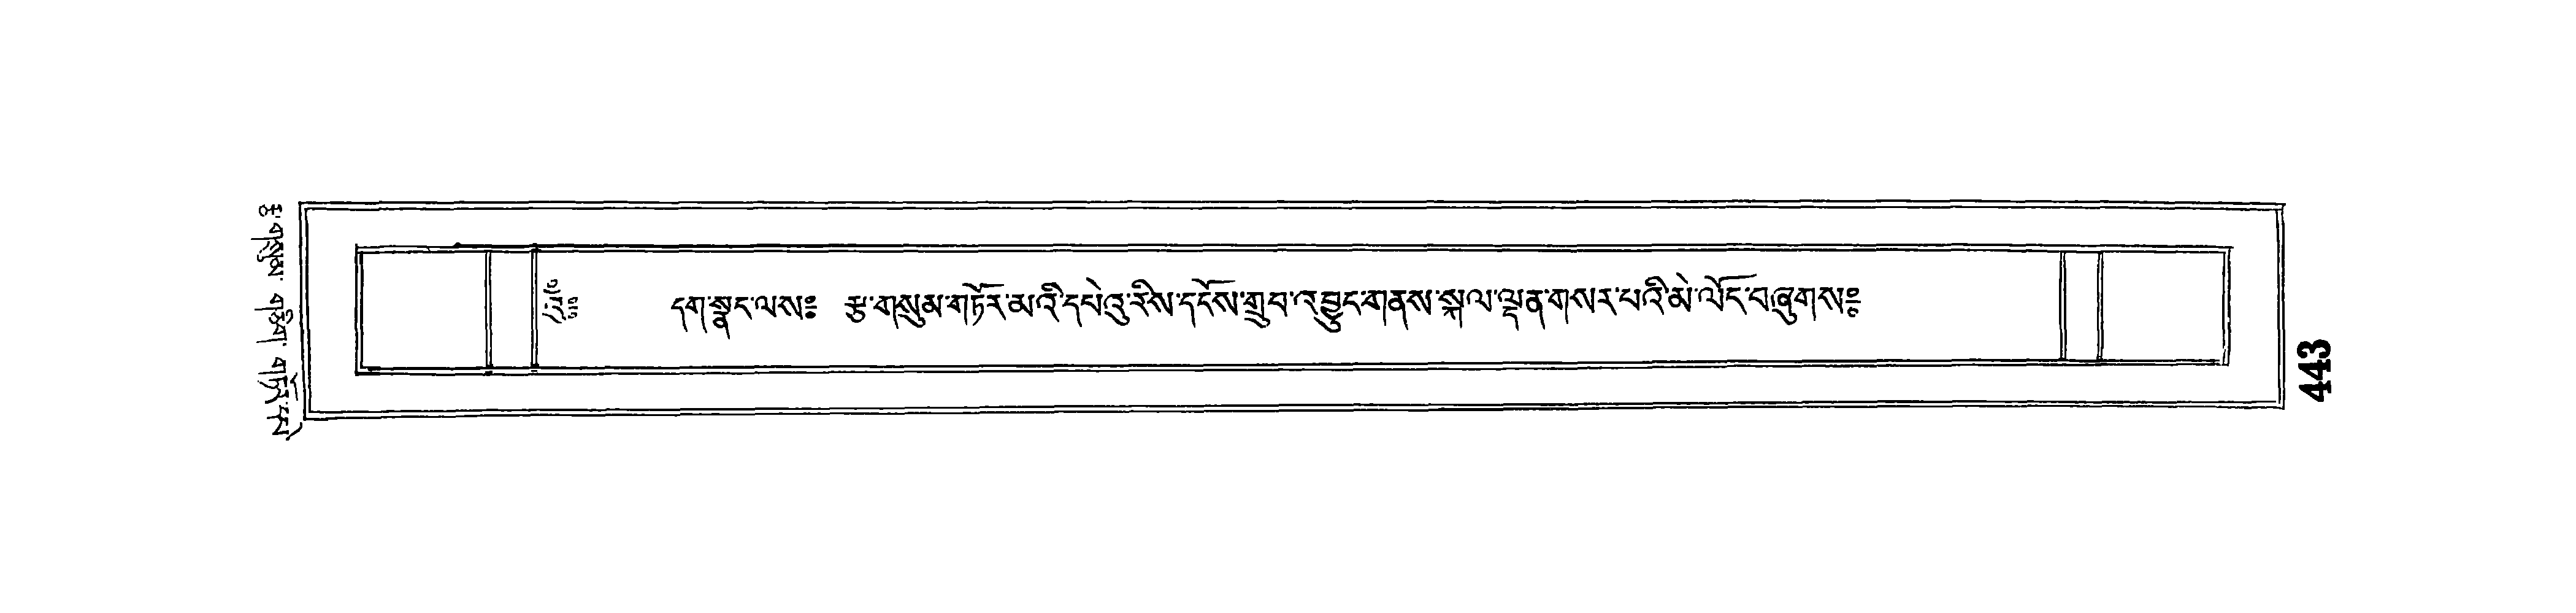འུྃ༔ དག་སྣང་ལས༔ རྩ་གསུམ་གཏོར་མའི་དཔེའུ་རིས་དངོས་གྲུབ་འབྱུང་གནས་སྐལ་ལྡན་གསར་པའི་མེ་ལོང་བཞུགས༔